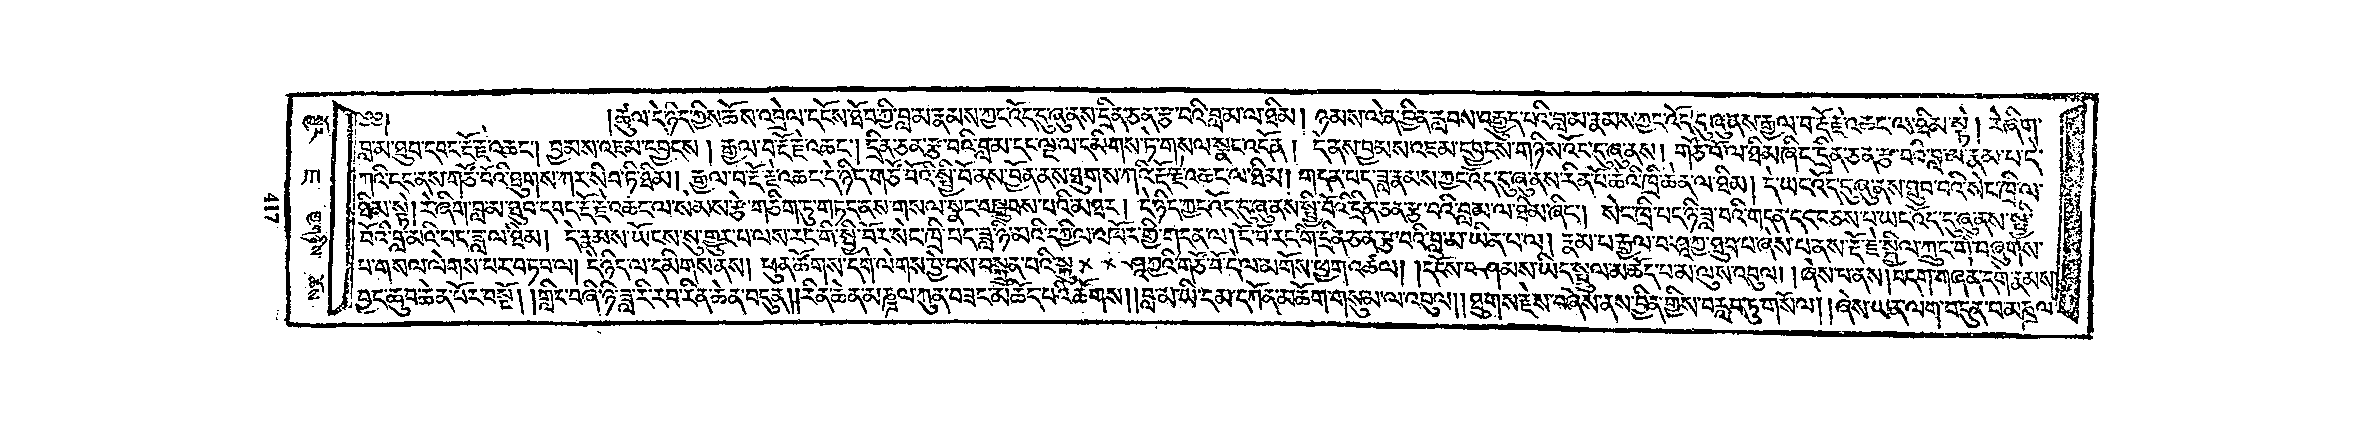༄༅། །ཚུལ་དེ་ཉིད་ཀྱིས་ཆོས་འབྲེལ་དངོས་ཐོབ་ཀྱི་བླ་མ་རྣམས་ཀྱང་འོད་དུ་ཞུ་ནས་དྲིན་ཅན་རྩ་བའི་བླ་མ་ལ་ཐིམ། ཉམས་ལེན་བྱིན་རླབས་བརྒྱུད་པའི་བླ་མ་རྣམས་ཀྱང་འོད་དུ་ཞུ་ནས་རྒྱལ་བ་རྡོ་རྗེ་འཆང་ལ་ཐིམ་སྟེ། རེ་ཞིག་
བླ་མ་ཐུབ་དབང་རྡོ་རྗེ་འཆང་། བྱམས་འཇམ་དབྱངས། རྒྱལ་བ་རྡོ་རྗེ་འཆང་། དྲིན་ཅན་རྩ་བའི་བླ་མ་དང་ལྔ་ལ་དམིགས་ཏེ་གསལ་སྣང་འདོན། དེ་ནས་བྱམས་འཇམ་དབྱངས་གཉིས་འོད་དུ་ཞུ་ནས། གཙོ་བོ་ལ་ཐིམ་ཞིང་དྲིན་ཅན་རྩ་བའི་བླ་མ་རྣམ་པ་དེ་
ཀའི་དང་ནས་གཙོ་བོའི་ཐུགས་ཀར་སིབ་ཏི་ཐིམ། རྒྱལ་བ་རྡོ་རྗེ་འཆང་དེ་ཉིད་གཙོ་བོའི་སྤྱི་བོ་ནས་བྱོན་ནས་ཐུགས་ཀའི་རྡོ་རྗེ་འཆང་ལ་ཐིམ། གདན་པད་ཟླ་རྣམས་ཀྱང་འོད་དུ་ཞུ་ནས་རིན་པོ་ཆེའི་ཁྲི་ཆེན་ལ་ཐིམ། དེ་ཡང་འོད་དུ་ཞུ་ནས་ཐུབ་པའི་སེང་ཁྲི་ལ་
ཐིམ་སྟེ། རེ་ཞིག་བླ་མ་ཐུབ་དབང་རྡོ་རྗེ་འཆང་ལ་སེམས་རྩེ་གཅིག་ཏུ་གཏད་ནས་གསལ་སྣང་བསྒྲུབས་པའི་མཐར། དེ་ཉིད་ཀྱང་འོད་དུ་ཞུ་ནས་སྤྱི་བོའི་དྲིན་ཅན་རྩ་བའི་བླ་མ་ལ་ཐིམ་ཞིང་། སེང་ཁྲི་པད་ཉི་ཟླ་བའི་གདན་དང་བཅས་པ་ཡང་འོད་དུ་ཞུ་ནས་སྤྱི་
བོའི་བླ་མའི་པད་ཟླ་ལ་ཐིམ། དེ་རྣམས་ཡོངས་སུ་གྱུར་པ་ལས་རང་གི་སྤྱི་བོར་སེང་ཁྲི་པད་ཟླ་ཉི་མའི་དཀྱིལ་འཁོར་གྱི་གདན་ལ། ངོ་བོ་རང་གི་དྲིན་ཅན་རྩ་བའི་བླ་མ་ཡིན་པ་ལ། རྣམ་པ་རྒྱལ་བ་ཤཱཀྱ་ཐུབ་པ་ཞེས་པ་ནས་རྡོ་རྗེ་སྐྱིལ་ཀྲུང་གི་བཞུགས་
པ་གསལ་ལེགས་པར་བཏབ་ལ། དེ་ཉིད་ལ་དམིགས་ནས། ཕུན་ཚོགས་དགེ་ལེགས་བྱེ་བས་བསྐྲུན་པའི་སྐུ་྾་྾་ཤཱཀྱའི་གཙོ་བོ་དེ་ལ་མགོས་ཕྱག་འཚལ། །དངོས་བཤམས་ཡིད་སྤྲུལ་མཆོད་པ་མ་ལུས་འབུལ། །ཞེས་པ་ནས། བདག་གཞན་དགེ་རྣམས་
བྱང་ཆུབ་ཆེན་པོར་བསྔོ། །གླིང་བཞི་ཉི་ཟླ་རི་རབ་རིན་ཆེན་བདུན། །རིན་ཆེན་མཎྜལ་ཀུན་བཟང་མཆོད་པའི་ཚོགས། །བླ་མ་ཡི་དམ་དཀོན་མཆོག་གསུམ་ལ་འབུལ། །ཐུགས་རྗེས་བཞེས་ནས་བྱིན་གྱིས་བརླབ་ཏུ་གསོལ། །ཞེས་ཡན་ལག་བདུན་པ་མཎྜལ་